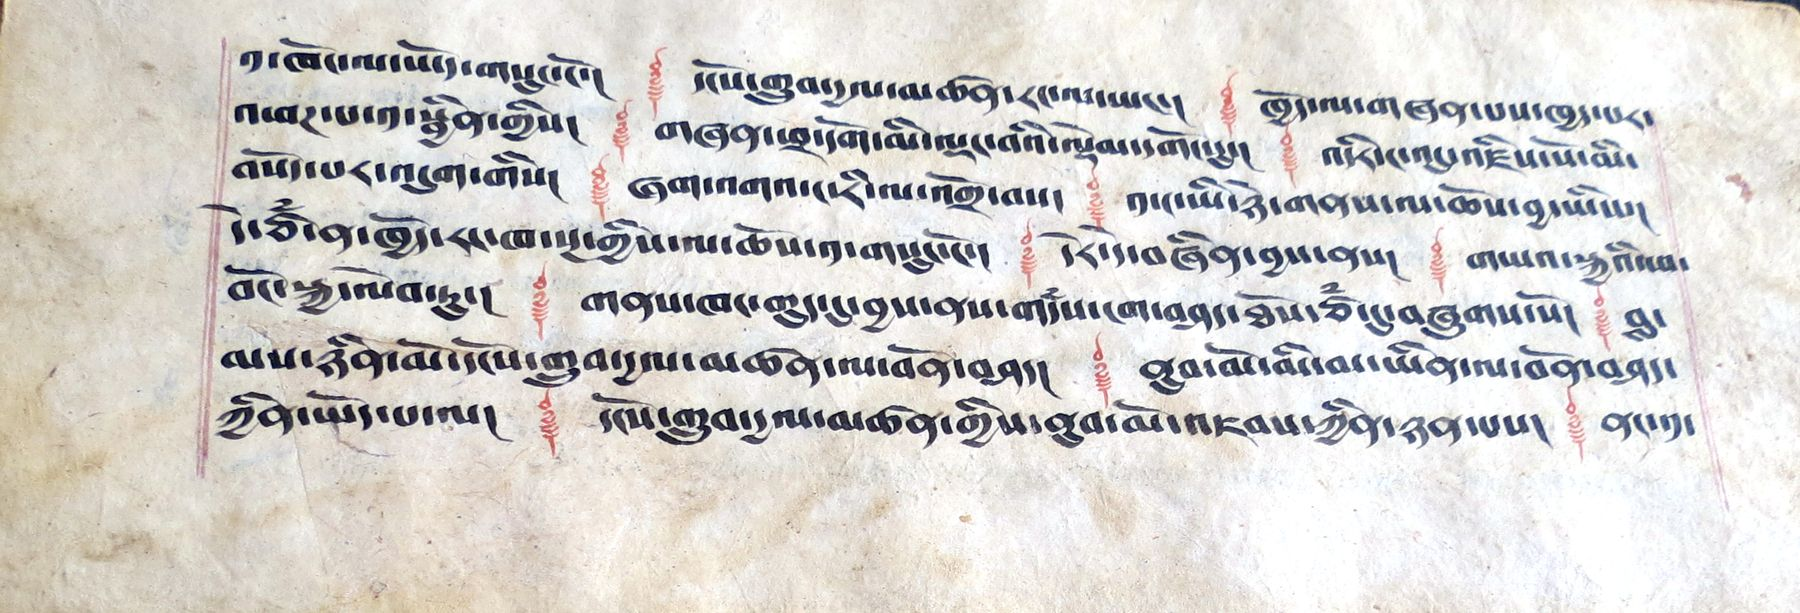ཞིག་ཁོང་ལ་ཡོད་གསུངས་སོ། ། དངོས་གྲུབ་རྒྱལ་མཚན་རང་ལ་ཡང་། ཁྱོད་ལ་གཞན་ལས་ཁྱད་པར་
འཕགས་པ་ཞིག་སྦྱིན་གྱི། གཞན་ཕྲག་དོག་མི་སྡང་པའི་ལྡེམ་དགོངས་སུ། འདིར་ང་འདུ་འཛིས་སོས་མི་
བསོད་པར་འདུག་གི། ཞག་འགའ་རི་ལ་འགྲོ་བས། གཅིག་ང་ཡི་ཉེ་གནས་ལ་ཆོས་བྱ་ཡིས། 
དེ་ཙམ་ན་ཁྱོད་རང་ཁ་སྔ་གྱིས་ལ་ཆོས་ཤིག་གསུངས་སོ། ། དེར་དེ་བཞིན་བྱས་ནས། གཡའ་སྐྱའི་ཕ་
བོང་སྐྱ་ལེབ་ཏུ། གནས་ཁང་གུད་དུ་བྱས་ནས་གདམས་ངག་བཤད་ཐོས་ཙམ་དུ་བཞུགས་སོ། ། བླ་
མས་ཉིན་མོ་དངོས་གྲུབ་རྒྱལ་མཚན་ལ་བོན་བཤད། ནུབ་མོ་མི་མ་ཡིན་ལ་བོན་བཤད་
ཀྱིན་ཡོད་པ་ལ། དངོས་གྲུབ་རྒྱལ་མཚན་གྱིས་ནུབ་མོ་འཇབ་ཀྱིན་ཉན་པས། ནང་ཅིག་